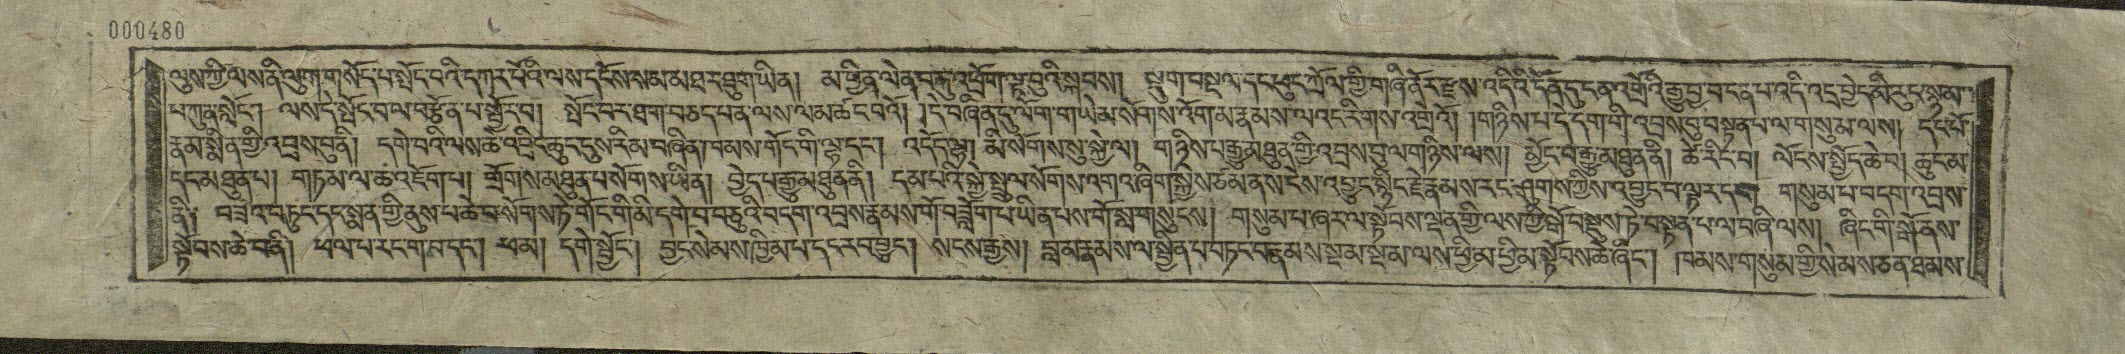ལུས་ཀྱི་ལས་ནི་ལུག་གསོད་པ་སྤོང་བའི་དཀར་པོའི་ལས་དངོས་སམ་མཐར་ཐུག་ཡིན། མ་བྱིན་ལེན་བརྐུ་འཕྲོག་ལྟ་བུའི་སྐབས། སྡུག་བསྔལ་དང་ཕུང་ཀྲོལ་གྱི་གཞི་ནོར་རྫས་འདིའི་དོན་དུ་ངན་འགྲོའི་རྒྱུ་བྱ་བ་ངན་པ་འདི་འདྲ་བྱེད་མི་རུང་སྙམ་
པ་ཀུན་སློང་། ལས་དེ་སྤོང་བ་ལ་བརྩོན་པ་སྦྱོར་བ། སྤོང་བར་ཐག་བཅད་པ་ན་ལས་ལམ་ཚང་བའོ། །དེ་བཞིན་དུ་ལོག་གཡེམ་སོགས་འོག་མ་རྣམས་ལའང་རིགས་འགྲེའོ། །གཉིས་པ་དེ་དག་གི་འབྲས་བུ་བསྟན་པ་ལ་གསུམ་ལས། དང་པོ་
རྣམ་སྨིན་གྱི་འབྲས་བུ་ནི། དགེ་བའི་ལས་ཆེ་འབྲིང་ཆུང་ངུས་རིམ་བཞིན་ཁམས་གོང་གི་ལྷ་དང་། འདོད་ལྷ། མི་སོགས་སུ་སྐྱེ་ལ། གཉིས་པ་རྒྱུ་མཐུན་གྱི་འབྲས་བུ་ལ་གཉིས་ལས། མྱོང་བ་རྒྱུ་མཐུན་ནི། ཚེ་རིང་བ། ལོངས་སྤྱོད་ཆེ་བ། ཆུང་མ་
དང་མཐུན་པ། གཏམ་ལ་ཆ་འཇོག་པ། གྲོགས་མཐུན་པ་སོགས་ཡིན། བྱེད་པ་རྒྱུ་མཐུན་ནི། དམ་པའི་སྐྱེ་སྤྲུལ་སོགས་འགའ་ཞིག་སྐྱེས་ཙམ་ནས་ངེས་འབྱུང་སྙིང་རྗེ་རྣམས་རང་ཤུགས་ཀྱིས་འབྱུང་བ་ལྟར་དང་། གསུམ་པ་བདག་འབྲས་
ནི༑ བཟའ་བཏུང་དང་སྨན་གྱི་ནུས་པ་ཆེ་བ་སོགས་ཏེ་གོང་གི་མི་དགེ་བ་བཅུའི་བདག་འབྲས་རྣམས་གོ་བཟློག་པ་ཡིན་པས་གོ་སླ་གསུངས། གསུམ་པ་ཞར་ལ་སྟོབས་ལྡན་གྱི་ལས་ཀྱི་སྒོ་བསྡུས་ཏེ་བསྟན་པ་ལ་བཞི་ལས། ཞིང་གི་སྒོ་ནས་
སྟོབས་ཆེ་བ་ནི། ཕ་པ་རང་ག་བ་དང་། ཕ་མ། དགེ་སྦྱོང་། བྱང་སེམས་ཁྱིམ་པ་དང་རབ་བྱུང་། སངས་རྒྱས། བླ་མ་རྣམས་ལ་སྦྱིན་པ་བཏང་བ་རྣམས་སྔ་མ་སྔ་མ་ལས་ཕྱི་མ་ཕྱི་མ་སྟོབས་ཆེ་ཞིང་། ཁམས་གསུམ་གྱི་སེམས་ཅན་ཐམས་